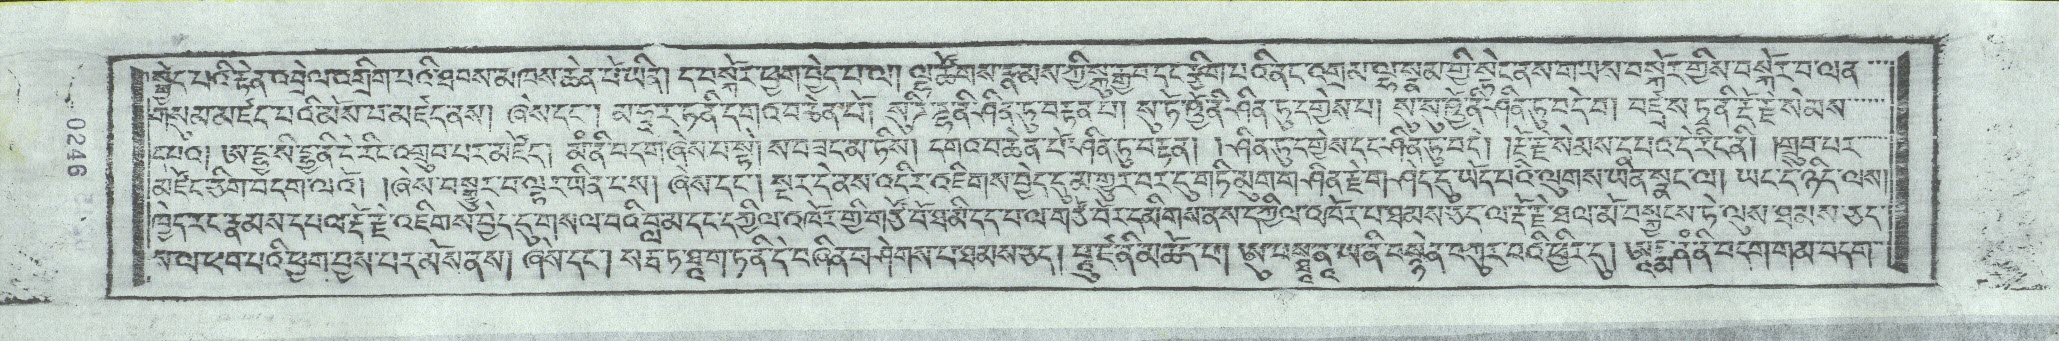སྤྱོད་པའི་རྟེན་འབྲེལ་འགྲིག་པའི་ཐབས་མཁས་ཆེན་པོ་ཡིན། ད་བསྐོར་ཕྱག་བྱེད་པ་ལ། ལྷ་ཚོགས་རྣམས་ཀྱི་སྐུ་རྒྱབ་དང་རྩིག་པའི་ནང་འགྲམ་ལྷ་སྣམ་གྱི་སྟེང་ནས་གཡས་བསྐོར་གྱིས་བསྐོར་བ་ལན་
གསུམ་མཛད་པའི་མོས་པ་མཛད་ནས། ཞེས་དང་། མཧཱ་ར་ཏ་ནི་དགའ་བ་ཆེན་པོ། སུཌི་ཌྷ་ནི་ཤིན་ཏུ་བརྟན་པ། སུ་ཏོ་ཥྱོ་ནི་ཤིན་ཏུ་དགྱེས་པ། སུ་སུ་ཥྱོ་ནི་ཤིན་ཏུ་བདེ་བ། བཛྲ་སཏྭ་ནི་རྡོ་རྗེ་སེམས་
དཔའ། ཨ་དྷྱ་སི་དྷྱ་ནི་དེ་རིང་འགྲུབ་པར་མཛོད། མཾ་ནི་བདག་ཞེས་པ་སྟེ། ས་བཟང་མ་ཏིས། དགའ་བ་ཆེན་པོ་ཤིན་ཏུ་བརྟན། །ཤིན་ཏུ་དགྱེས་དང་ཤིན་ཏུ་བདེ། །རྡོ་རྗེ་སེམས་དཔའ་དེ་རིང་ནི། །གྲུབ་པར་
མཛོད་ཅིག་བདག་ལའོ། །ཞེས་བསྒྱུར་བ་ལྟར་ཡིན་པས། ཞེས་དང་། སྔར་དེ་ནས་འདིར་འཇིགས་བྱེད་དུ་མ་གྱུར་བར་དུ་གཏི་མུག་གཤིན་རྗེ་གཤེད་དུ་ཡོད་པའི་ལུགས་ཡིན་སྣང་ལ། ཡང་དེ་ཉིད་ལས་
ཁྱེད་རང་རྣམས་དཔལ་རྡོ་རྗེ་འཇིགས་བྱེད་དུ་གསལ་བའི་བླ་མ་དང་དཀྱིལ་འཁོར་གྱི་གཙོ་བོ་ཐ་མི་དད་པ་ལ་གཙོ་བོར་དམིགས་ནས་དཀྱིལ་འཁོར་པ་ཐམས་ཅད་ལ་རྡོ་རྗེ་ཐལ་མོ་བསྐྱངས་ཏེ་ལུས་ཐམས་ཅད་
ས་ལ་ཕབ་པའི་ཕྱག་བྱས་པར་མོས་ནས། ཞེས་དང་། སརྦ་ཏ་ཐཱ་ག་ཏ་ནི་དེ་བཞིན་གཤེགས་པ་ཐམས་ཅད། པཱུ་ཛ་ནི་མཆོད་པ། ཨུ་པསྠཱ་ནཱ་ཡ་ནི་བསྙེན་བཀུར་བའི་ཕྱིར་དུ། ཨཱཏྨ་ནཾ་ནི་བདག་གམ་བདག་